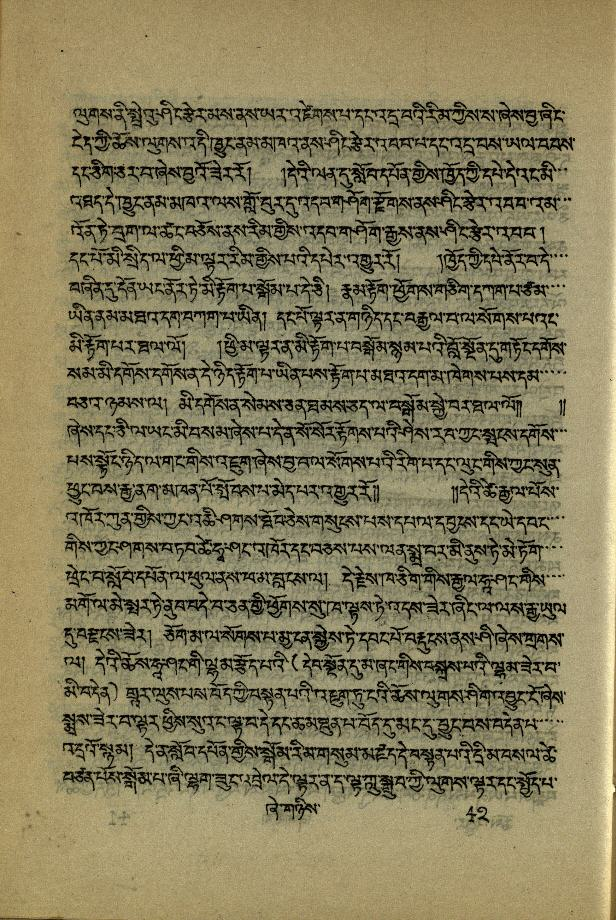ལུགས་ནི་སྤྲེའུ་ཤིང་རྩེར་མས་ནས་ཡར་འཛེགས་པ་དང་འདྲ་བའི་རིམ་གྱིས་ས་ཞེས་བྱ་ཞིང་
ངེད་ཀྱི་ཆོས་ལུགས་འདི་ཁྱུང་ནམ་མཁའ་ནས་ཤིང་རྩེར་འབབ་པ་དང་འདྲ་བས་ཡལ་བབས་
དང་ཅིག་ཅར་བ་ཞེས་བྱའོ་ཟེར་རོ། །དེའི་ལན་དུ་སློབ་དཔོན་གྱིས་ཁྱོད་ཀྱི་དཔེ་དེའང་མི་
འཐད་དེ་ཁྱུང་ནམ་མཁའ་ལས་གློ་བུར་དུ་འདབ་གཤོག་རྫོགས་ནས་ཤིང་རྩེར་འབབ་འམ་
འོན་ཏེ་བྲག་ལ་ཚང་བཅོས་ནས་རིམ་གྱིས་འདབ་གཤོག་རྒྱས་ནས་ཤིང་རྩེར་འབབ།
དང་པོ་མི་སྲིད་ལ་ཕྱི་མ་ལྟར་རིམ་གྱིས་པའི་དཔེར་འགྱུར་རོ། །ཁྱོད་ཀྱི་དཔེ་ནོར་བ་དེ་
བཞིན་དུ་དོན་ཡང་ནོར་ཏེ་མི་རྟོག་པ་སྒོམ་པ་དེ་ཅི། རྣམ་རྟོག་ཕྱོགས་གཅིག་དཀག་པ་ཙམ་
ཡིན་ནམ་མཐའ་དག་བཀག་པ་ཡིན། དང་པོ་ལྟར་ན་གཉིད་དང་བརྒྱལ་བ་ལ་སོགས་པའང་
མི་རྟོག་པར་ཐལ་ལོ། །ཕྱི་མ་ལྟར་ན་མི་རྟོག་པ་བསྒོམ་སྙམ་པའི་བློ་སྔོན་དུ་གཏོང་དགོས་
སམ་མི་དགོས་དགོས་ན་དེ་ཉིད་རྟོག་པ་ཡིན་པས་རྟོག་པ་མཐའ་དག་མ་ཁེགས་པས་དམ་
བཅའ་ཉམས་ལ། མི་དགོས་ན་སེམས་ཅན་ཐམས་ཅད་ལ་བསྒོམ་སྐྱེ་བར་ཐལ་ལོ།། །།
ཞེས་དང་ཅི་ལ་ཡང་མི་བསམ་ཞེས་པ་དེ་ན་སོ་སོར་རྟོགས་པའི་ཤེས་རབ་ཀྱང་སྤངས་དགོས་
པས་སྟོང་ཉིད་ལ་གང་གིས་འཇུག་ཞེས་བྱ་བ་ལ་སོགས་པའི་རིག་པ་དང་ལུང་གིས་ཀྱང་སུན་
ཕྱུང་བས་རྒྱ་ནག་མཁན་པོ་སྤོབས་པ་མེད་པར་འགྱུར་རོ།། །།དེའི་ཚེ་རྒྱལ་པོས་
འཁོར་ཀུན་གྱིས་ཀྱང་འཆི་ཤགས་ཐོབ་ཅེས་གསུངས་པས་དཔལ་དབྱངས་དང་ཡེ་དབང་
གིས་ཀྱང་ཤགས་བཏབ་ཚེ་ཧྭ་ཤང་འཁྲོ་དང་བཅས་པས་ལན་སྨྲ་བར་མི་ནུས་ཏེ་མེ་ཏོག་
ཕྲེང་བ་སློབ་དཔོན་ལ་ཕུལ་ནས་ཕ་མ་བླངས་ལ། དེ་རྗེས་ཁ་ཅིག་གིས་རྒྱལ་ཧཱ་ཤང་གིས་
མགོ་ལ་མེ་སྤར་ཏེ་ནུབ་བདེ་བ་ཅན་གྱི་ཕྱོགས་སུ་ཁ་ལྟས་ཏེ་འདས་ཟེར་ཞིང་ལ་ལས་རྒྱ་ཡུལ་
དུ་བརྫངས་ཟེར། ཅོག་མ་ལ་སོགས་པ་མྱ་ངན་སྐྱེས་ཏེ་དབང་པོ་བརྡུངས་ནས་ཤི་ཞེས་གྲགས་
ལ། དེའི་ཆོས་ཧཱ་ཤང་གི་ལྷ་མ་རྩོད་པའི་དེབ་སྔོན་དུ་མ་ཞང་གིས་བསྐྲས་པའི་ལྷམ་ཟེར་བ་
མི་བདེན་གྲཱར་ལུས་པས་བོད་ཀྱི་བསྟན་པའི་འཇུག་ཏུ་ངའི་ཆོས་ལུགས་ཤིག་འབྱུང་ངོ་ཞེས་
སྨྲས་ཟེར་བ་ལྟར་ཕྱིས་སུའང་ལྟ་བ་དེ་དང་ཆ་མཐུན་པ་བོད་དུ་མང་དུ་བྱུང་བས་བདེན་པ་
འདྲའོ་སྙམ། དེ་ན་སློབ་དཔོན་གྱིས་སྒོམ་རིམ་གསུམ་མཛད་དེ་བསྟན་པའི་དྲི་མ་བསལ་ཚེ་
བཙན་པོས་སྒོམ་པ་ཞི་ལྷག་ཟུང་འབྲེལ་དེ་ལྟར་ན་ད་ལྟ་ཀླུ་སྒྲུབ་ཀྱི་ལུགས་ལྟར་དང་སྤྱོད་པ་